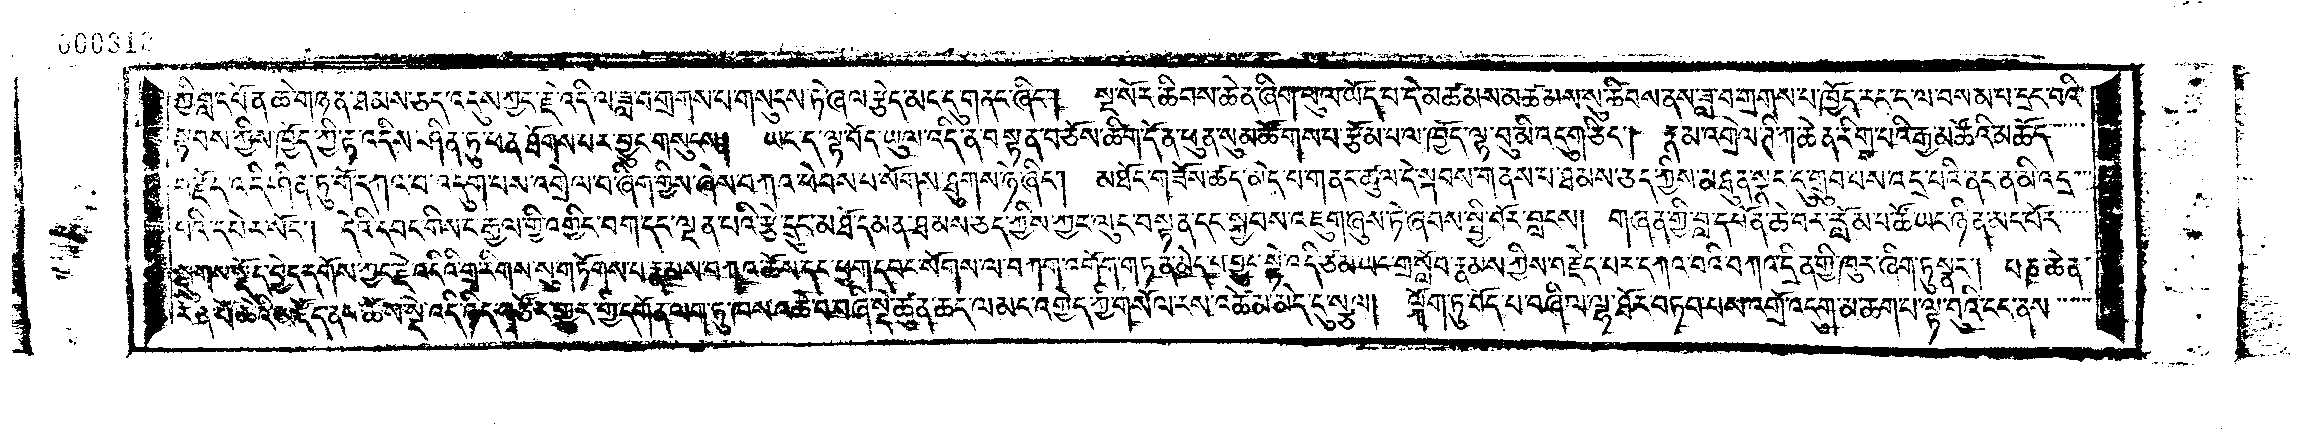ཀྱི་བླ་དཔོན་ཆེ་གཉན་ཐམས་ཅད་འདུས་ཀྱང་རྗེ་འདི་ལ་ཟླ་བ་གྲགས་པ་གསུངས་ཏེ་ཞལ་རྩེད་མང་དུ་གནང་ཞིང་། སྔ་སོར་ཆིབས་ཆེན་ཞིག་ཕུལ་ཡོད་པ་དེ་མཚམས་མཚམས་སུ་ཆིབས་ནས་ཟླ་བ་གྲགས་པ་ཁྱོད་རང་ང་ལ་བསམ་པ་དྲང་བའི་
སྟབས་ཀྱིས་ཁྱོད་ཀྱི་རྟ་འདིས་ཤིན་ཏུ་ཕན་ཐོགས་པར་བྱུང་གསུངས། ཡང་ད་ལྟ་བོད་ཡུལ་འདི་ན་བསྟན་བཅོས་ཚིག་དོན་ཕུན་སུམ་ཚོགས་པ་རྩོམ་པ་ལ་ཁྱོད་ལྟ་བུ་མི་འདུག་ཅིང་། རྣམ་འགྲེལ་ཊི་ཀ་ཆེན་རིགས་པའི་རྒྱ་མཚོའི་མཆོད་
བརྗོད་འདི་ཤིན་ཏུ་གོ་དཀའ་བ་འདུག་པས་འགྲེལ་བ་ཞིག་གྱིས་ཞེས་བཀའ་ཕེབས་པ་སོགས་ཐུགས་ཉེ་ཞིང་། མཐོང་གཟོས་ཚད་མེད་པ་གནང་ཚུལ་དེ་སྐབས་གནས་པ་ཐམས་ཅད་ཀྱིས་མཐུན་སྣང་དུ་གྲུབ་བས་འདྲ་བའི་ནང་ན་མི་འདྲ་
པའི་དཔེར་སོང་། དེའི་དབང་གིས་ང་རྒྱལ་གྱི་འགྱིད་བག་དང་ལྡན་པའི་རྩེ་དྲུང་མཐོ་དམན་ཐམས་ཅད་ཀྱིས་ཀྱང་ལུང་བསྟན་དང་སྐྱབས་འཇུག་ཞུས་ཏེ་ཞབས་སྤྱི་བོར་བླངས། གཞན་གྱི་བླ་དཔོན་ཆེ་བར་རློམ་པ་ཚོ་ཡང་ཉིན་མང་པོར་
སྒུགས་སྡོད་བྱེད་དགོས་ཀྱང་རྗེ་འདིའི་གྲྭ་རིགས་སུ་གཏོགས་པ་རྣམས་བཀའ་ཆོས་དང་ཕྱག་དབང་སོགས་ལ་བཀག་འགོག་གཏན་མེད་པ་བྱུང་སྟེ་འདི་ཙམ་ཡང་གྲྭ་སློབ་རྣམས་ཀྱིས་བརྗེད་པར་དཀའ་བའི་བཀའ་དྲིན་གྱི་ཁུར་ཞིག་ཏུ་སྣང་། པཎ་ཆེན་
རིན་པོ་ཆེའི་མཛོད་ནས་ཆོས་སྡེ་འདི་ཉིད་གཙོར་གྱུར་གྱི་དགོན་ལག་ཏུ་ཁས་འཆེ་བ་བཞི་སྡེ་ཚུན་ཆད་ལ་མང་འགྱེད་ཀྱི་གསོལ་རས་འཚམས་མེད་དུ་སྩལ། ལྐོག་ཏུ་བོད་པ་བཞི་ལ་ལྷ་ཐོར་བཏབ་པས་འགྲོ་འདུག་མ་ཆག་པ་ལྟ་བུའི་ངང་ནས་